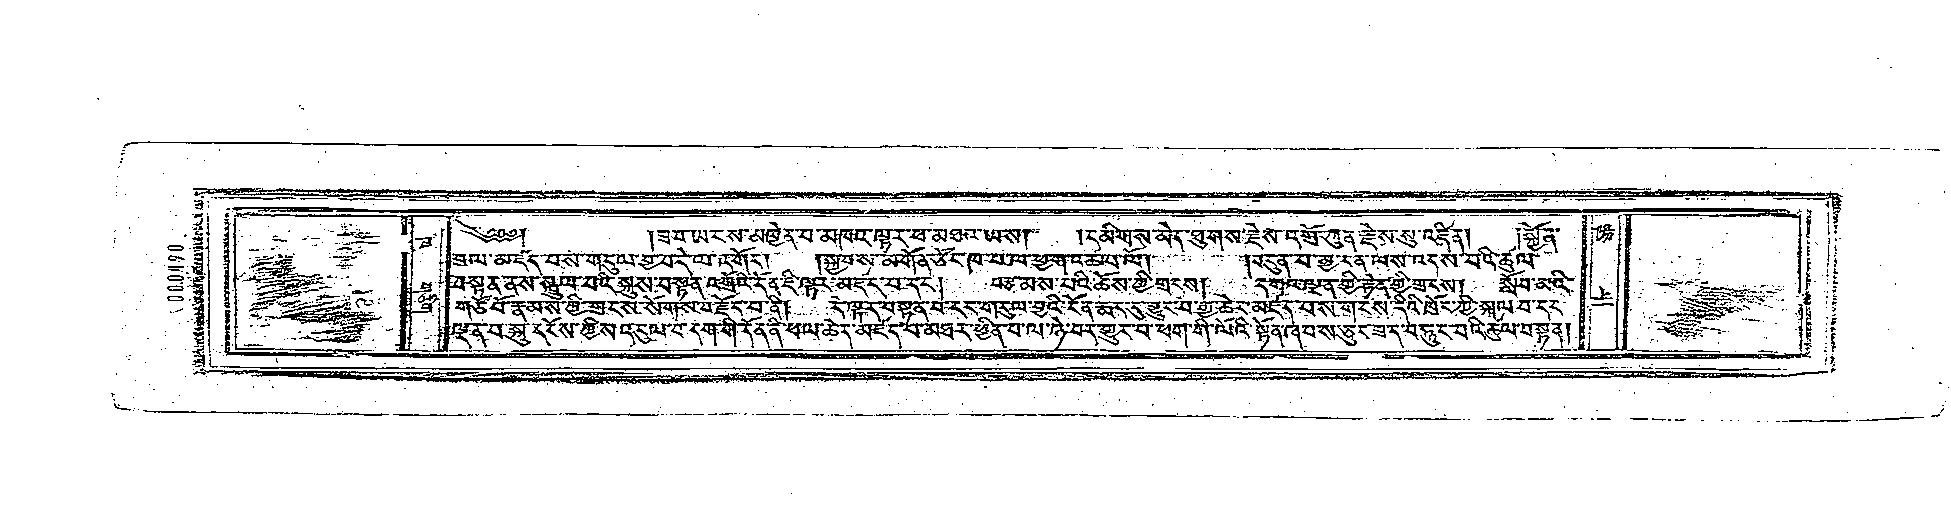༄༅༅། །ཟབ་ཡངས་མཁྱེན་པ་མཁའ་ལྟར་ཕ་མཐའ་ཡས། །དམིགས་མེད་ཐུགས་རྗེས་འགྲོ་ཀུན་རྗེས་སུ་འཛིན། །སྐྱོན་
བྲལ་མཛད་པས་གདུལ་བྱ་བདེ་ལ་འགོད། །སྐྱབས་མགོན་ཙོང་ཁ་པ་ལ་ཕྱག་འཚལ་ལོ། །བདུན་པ་མྱ་ངན་ལས་འདས་པའི་ཚུལ་
བསྟན་ནས་སྤྲུལ་པའི་སྐུས་བསྟན་འགྲོའི་དོན་ཇི་ལྟར་མཛད་པ་དང་། བརྩམས་པའི་ཆོས་ཀྱི་གྲངས། དགའ་ལྡན་གྱི་རྟེན་གྱི་གྲངས། སློབ་མའི་
གཙོ་བོ་རྣམས་ཀྱི་གྲངས་སོགས་བརྗོད་པ་ནི། དེ་ལྟར་བསྟན་པ་དང་གདུལ་བྱའི་དོན་རྨད་དུ་བྱུང་བ་རྒྱ་ཆེར་མཛད་པས་གངས་རིའི་ཁྲོད་ཀྱི་སྐལ་བ་དང་
ལྡན་པ་སྐུ་དངོས་ཀྱིས་འདུལ་བ་དག་གི་དོན་ནི་ཕལ་ཆེར་མཛད་པ་མཐར་ཕྱིན་པ་ལ་ཉེ་བར་གྱུར་པ་ཕག་གི་ལོའི་སྟོན་ཞབས་ཅུང་ཟད་བསྙུང་བའི་ཚུལ་བསྟན།